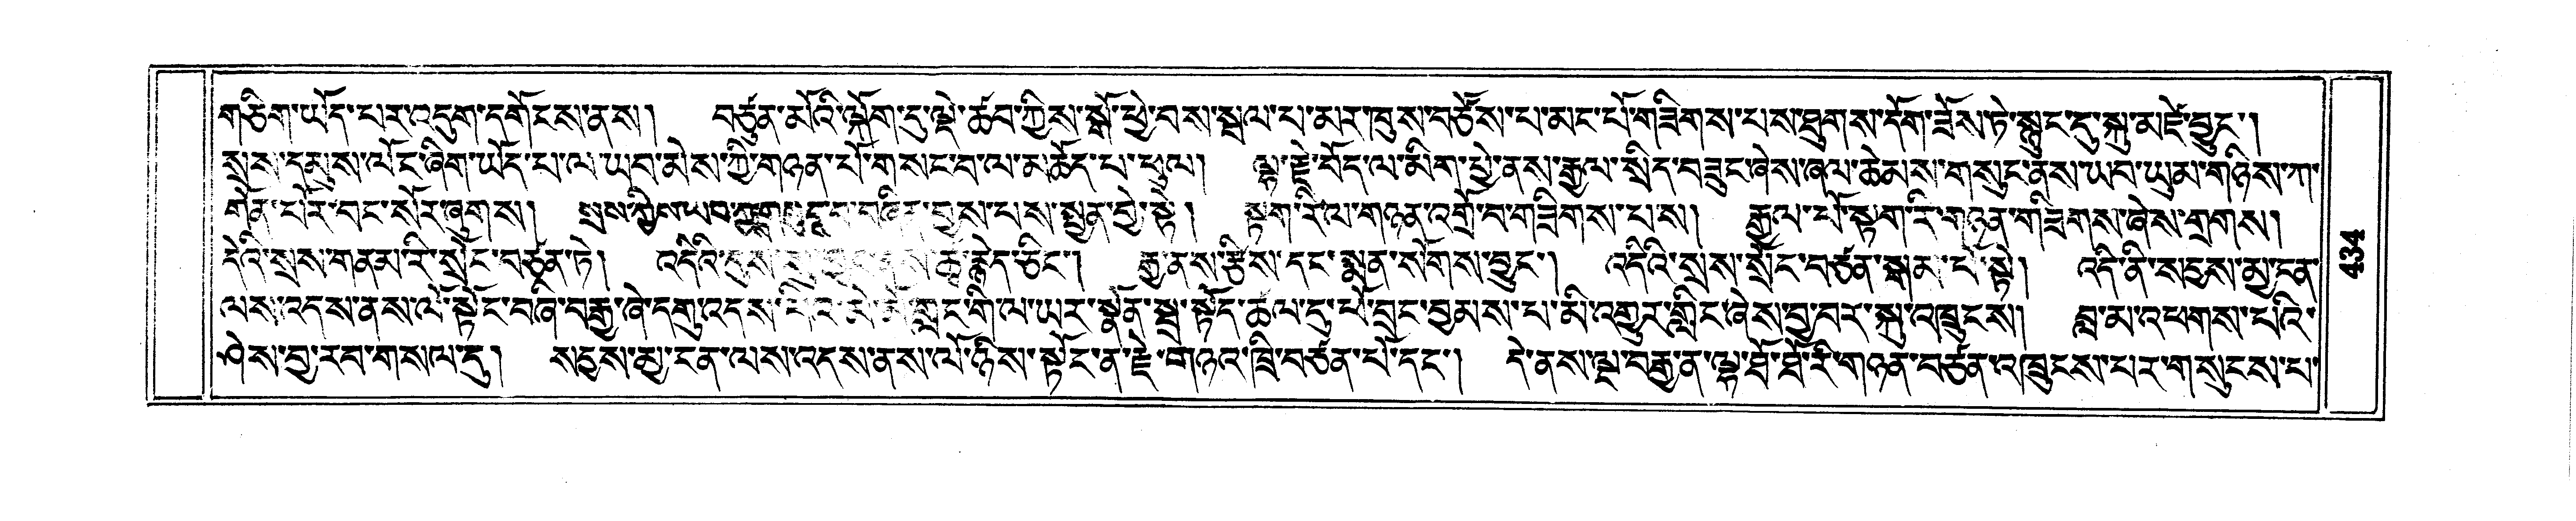གཅིག་ཡོད་པར་འདུག་དགོངས་ནས། བཙུན་མོའི་ལྐོག་དུ་ལྡེ་ཚབ་ཀྱིས་སྒོ་ཕྱེ་བས་སྦལ་པ་མར་ཁུས་བཙོས་པ་མང་པོ་གཟིགས་པས་ཐུགས་དོག་ཟོས་ཏེ་སྙུང་དུ་སྐུ་མཛེ་བྱུང་།
སྲས་དམུས་ལོང་ཞིག་ཡོད་པ་ལ་ཡབ་མེས་ཀྱི་གཉན་པོ་གསང་བ་ལ་མཆོད་པ་ཕུལ། ལྷ་རྗེ་བོད་ལ་མིག་པྱེ་ནས་རྒྱལ་སྲིད་བཟུང་ཞེས་ཞལ་ཆེམས་གསུང་ནས་ཡབ་ཡུམ་གཉིས་ཀ་
གོན་པོར་བང་སོར་ཞུགས། སྲས་ཀྱིས་ཡབ་ཀྱས་གསུངས་བ་བཞིན་བྱས་པས་སྤྱན་བྱེ་སྟེ། སྟག་རི་ལ་གཉན་འགྲོ་བ་གཟིགས་པས། རྒྱལ་པོ་སྟག་རི་གཉན་གཟིགས་ཞེས་གྲགས།
དེའི་སྲས་གནམ་རི་སྲོང་བཙན་ཏེ། འདིའི་དུས་སུ་བྱང་ནས་ཚྭ་རྙེད་ཅིང་། རྒྱ་ན་ས་རྩིས་དང་སྨན་སོགས་བྱུང་། འདིའི་སྲས་སྲོང་བཙན་སྒམ་པོ་སྟེ། འདི་ནི་སདྱས་མྱ་ངན་
ལས་འདས་ནས་ལོ་སྟོང་བཞི་བརྒྱ་ཞེ་དགུ་འདས་པའི་མེ་མོ་གླང་གི་ལ་ཡར་སྣོན་སྦྲ་སྟོད་ཚལ་དུ་ཕོ་བྲང་བྱམས་པ་མི་འགྱུར་གླིང་ཞེས་བྱ་བར་སྐུ་འཁྲུངས། བླ་མ་འཕགས་པའི་
ཤེས་བྱ་རབ་གསལ་དུ། སདྱས་མྱ་ངན་ལས་འདས་ནས་ལོ་ཉིས་སྟོང་ན་རྗེ་གཉའ་ཁྲི་བཙན་པོ་དང་། དེ་ནས་ལྔ་བརྒྱ་ན་ལྷ་ཐོ་ཐོ་རི་གཉན་བཙན་འཁྲུངས་པར་གསུངས་པ་